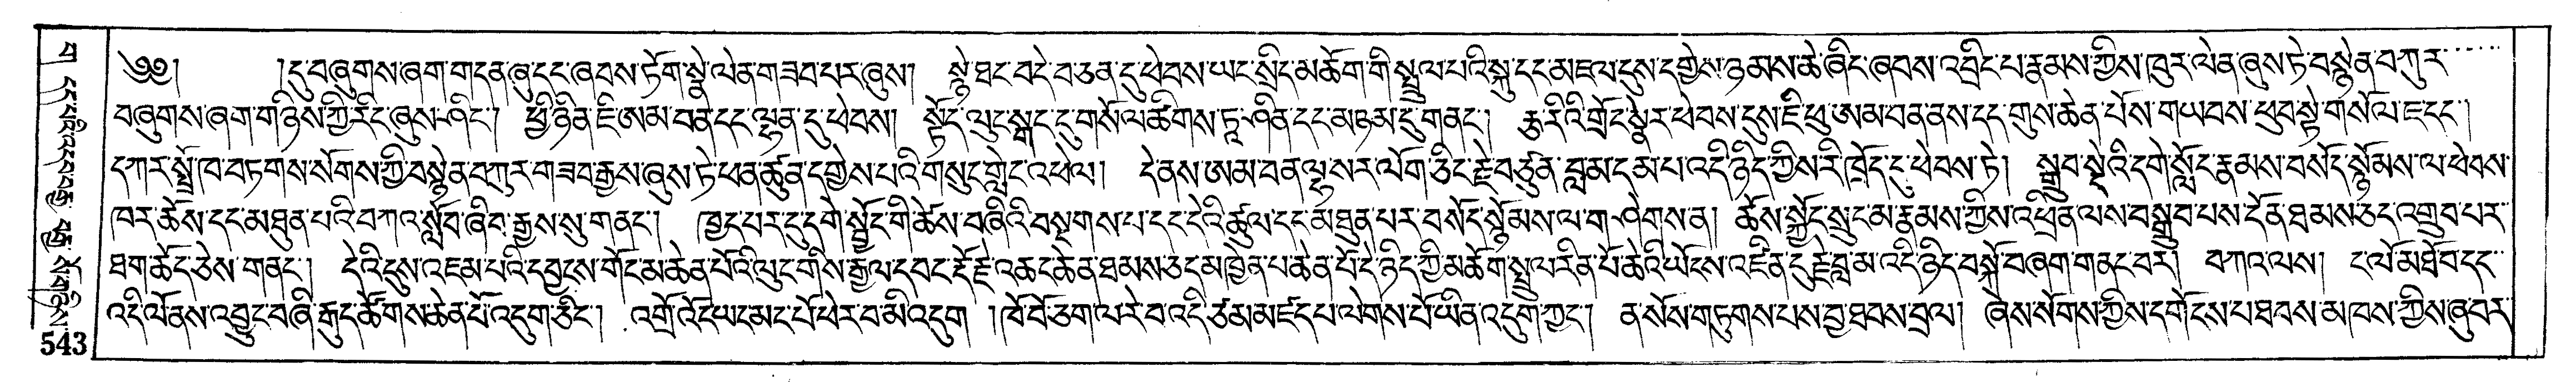༄༅། །དུ་བཞུགས་ཞག་གདན་ཞུ་དང་ཞབས་ཏོག་སྣེ་ལེན་གཟབ་པར་ཞུས། སྙེ་ཐང་བདེ་བ་ཅན་དུ་ཕེབས་ཡང་སྲིད་མཆོག་གི་སྦྲུལ་བའི་སྐུ་དང་མཇལ་དུས་དགྱེས་ཉམས་ཆེ་ཞིང་ཞབས་འབྲིང་པ་རྣམས་ཀྱིས་ཁུར་ལེན་ཞུས་ཏེ་བསྙེན་བཀུར་
བཞུགས་ཞག་གཉིས་ཀྱི་རིང་ཞུས་ཤིང་། ཕྱི་ཉིན་ཇི་ཨམ་བན་དང་ལྷན་དུ་ཕེབས། སྟོད་ལུང་སྒང་དུ་གསོལ་ཚིགས་ཏཱ་ཤིན་དང་མཉམ་དུ་གནང་། སྦ་རིའི་གྲོང་སྣེར་ཕེབས་དུས་ཇི་ཕུ་ཨམ་བན་ནས་དད་གུས་ཆེན་པོས་གཡབས་ཕུབ་སྟེ་གསོལ་ཇ་དང་།
དཀར་སྤྲོ་ཁ་བཏགས་སོགས་ཀྱི་བསྙེན་བཀུར་གཟབ་རྒྱས་ཞུས་ཏེ་ཕན་ཚུན་དགྱེས་པའི་གསུང་གླེང་འཕེལ། དེ་ནས་ཨམ་བན་ལྷ་སར་ལོག་ཅིང་རྗེ་བཙུན་བླ་མ་དམ་པ་འདི་ཉིད་ཀྱིས་རི་ཁྲོད་དུ་ཕེབས་ཏེ། སྒྲུབ་སྡེའི་དགེ་སློང་རྣམས་བསོད་སྙོམས་ལ་ཕེབས་
ཁར་ཆོས་དང་མཐུན་པའི་བཀའ་སློབ་ཞིབ་རྒྱས་སུ་གནང་། ཁྱད་པར་དུ་དགེ་སྦྱོང་གི་ཆོས་བཞིའི་བསྔགས་པ་དང་དེའི་ཚུལ་དང་མཐུན་བར་བསོད་སྙོམས་ལ་གཤེགས་ན། ཆོས་སྐྱོང་སྲུང་མ་རྣམས་ཀྱིས་འཕྲིན་ལས་བསྒྲུབ་བས་དོན་ཐམས་ཅད་འགྲུབ་པར་
ཐག་ཆོད་ཅེས་གནང་། དེའི་དུས་འཇམ་པའི་དབྱངས་གོང་མ་ཆེན་པོའི་ལུང་གིས་རྒྱལ་དབང་རྡོ་རྗེ་འཆང་ཆེན་ཐམས་ཅད་མཁྱེན་པ་ཆེན་བོ་དེ་ཉིད་ཀྱི་མཆོག་སྤྲུལ་རིན་པོ་ཆེའི་ཡོངས་འཛིན་དུ་རྗེ་བླ་མ་འདི་ཉིད་བསྐོ་བཞག་གནང་བར། བཀའ་ལས། ང་ལོ་མཐོ་བ་དང་
འདི་ལོ་ནས་འབྱུང་བཞི་རྒུད་ཆགས་ཆེན་པོ་འདུག་ཅིང་། འགྲོའོང་ཡང་མང་པོ་ཕེར་བ་མི་འདུག །ཁོ་བོ་ཅག་ལ་རེ་བ་འདི་ཅམ་མཛད་པ་ལེགས་པོ་ཡིན་འདུག་ཀྱང་། ན་སོས་གཏུགས་པས་བྱ་ཐབས་བྲལ། ཞེས་སོགས་ཀྱིས་དགོངས་པ་ཐབས་མཁས་ཀྱིས་ཞུ་བར་